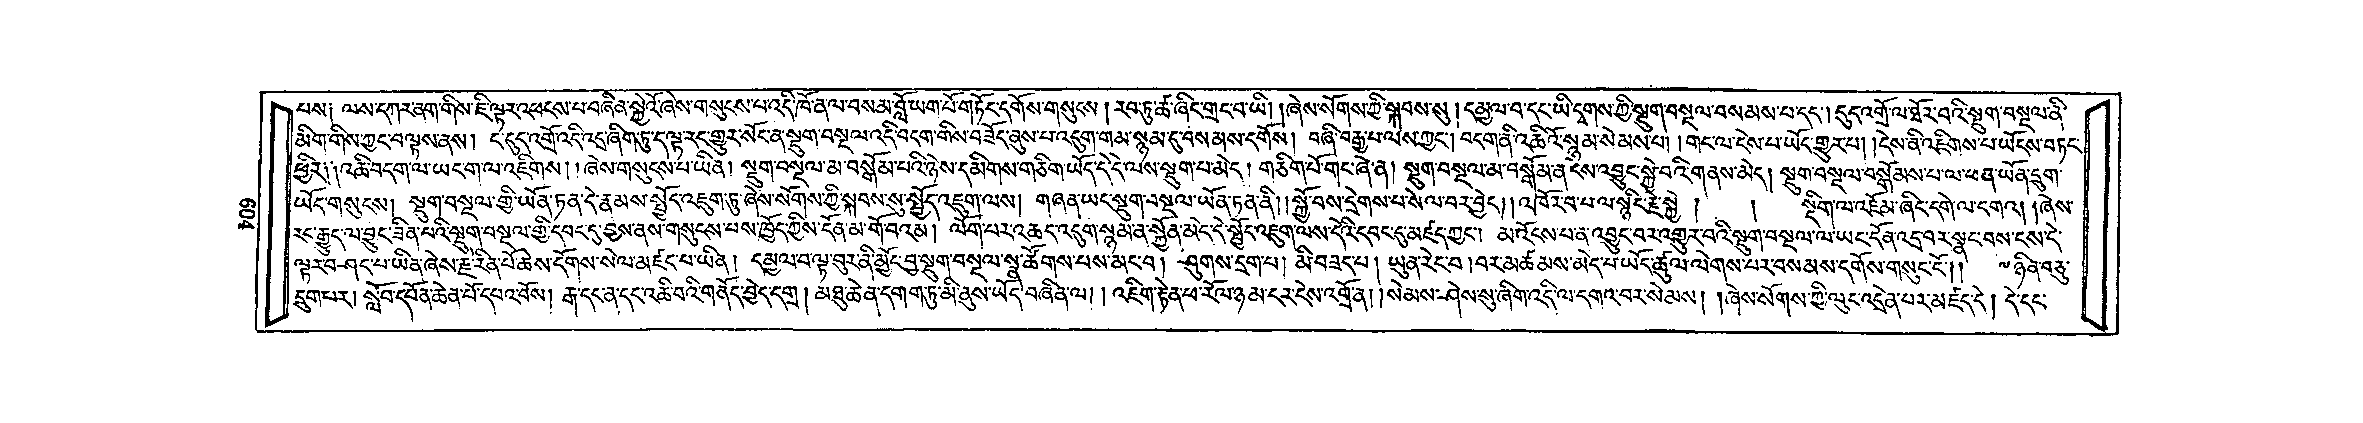པས། ལས་དཀར་ནག་གིས་ཇི་ལྟར་འཕངས་པ་བཞིན་སྐྱེའོ་ཞེས་གསུངས་པ་འདི་ཁོ་ན་ལ་བསམ་བློ་ཡག་པོ་གཏོང་དགོས་གསུངས། རབ་ཏུ་ཚ་ཞིང་གྲང་བ་ཡི། །ཞེས་སོགས་ཀྱི་སྐབས་སུ། དམྱལ་བ་དང་ཡི་དྭགས་ཀྱི་སྡུག་བསྔལ་བསམས་པ་དང་། དུད་འགྲོ་ལ་ཐོར་བའི་སྡུག་བསྔལ་ནི་
མིག་གིས་ཀྱང་བལྟས་ནས། ང་དུད་འགྲོ་འདི་འདྲ་ཞིག་ཏུ་ད་ལྟ་རང་གྱུར་སོང་ན་སྡུག་བསྔལ་འདི་བདག་གིས་བཟོད་ནུས་པ་འདུག་གམ་སྙམ་དུ་བསམས་དགོས། བཞི་བརྒྱ་པ་ལས་ཀྱང་། བདག་ནི་འཆིའོ་སྙམ་སེམས་པ། །གང་ལ་ངེས་པ་ཡོད་གྱུར་པ། །དེས་ནི་འཇིགས་པ་ཡོངས་བཏང་
ཕྱིར། །འཆི་བདག་ལ་ཡང་ག་ལ་འཇིགས། །ཞེས་གསུངས་པ་ཡིན། སྡུག་བསྔལ་མ་བསྒོམ་པའི་ཉེས་དམིགས་གཅིག་ཡོད་དེ་དེ་ལས་སྡུག་པ་མེད། གཅིག་པོ་གང་ཞེ་ན། སྡུག་བསྔལ་མ་བསྒོམ་ན་ངེས་འབྱུང་སྐྱེ་བའི་གནས་མེད། སྡུག་བསྔལ་བསྒོམས་པ་ལ་ཕན་ཡོན་དྲུག་ཡོད་
གསུངས། སྡུག་བསྔལ་གྱི་ཡོན་ཏན་དེ་རྣམས་སྤྱོད་འཇུག་ཏུ་ཞེས་སོགས་ཀྱི་སྐབས་སུ་སྤྱོད་འཇུག་ལས། གཞན་ཡང་སྡུག་བསྔལ་ཡོན་ཏན་ནི། །སྐྱོ་བས་དྲེགས་པ་སེལ་བར་བྱེད། །འཁོར་བ་པ་ལ་སྙིང་རྗེ་སྐྱེ། །སྡིག་ལ་འཇོམ་ཞིང་དགེ་ལ་དགའ། །ཞེས་
རང་རྒྱུད་ལ་བྱུང་ཟིན་པའི་སྡུག་བསྔལ་གྱི་དབང་དུ་བྱས་ནས་གསུངས་པས་ཁྱོད་ཀྱིས་དོན་མ་གོ་བའམ། ལོག་པར་འཆད་འདུག་སྙམ་ན་སྐྱོན་མེད་དེ་སྤྱོད་འཇུག་ལས་དེའི་དབང་དུ་མཛད་ཀྱང་། མ་འོངས་པ་ན་འབྱུང་བར་འགྱུར་བའི་སྡུག་བསྔལ་ལ་ཡང་དོན་འདྲ་བར་སྣང་བས་ངས་དེ་
ལྟར་བཤད་པ་ཡིན་ཞེས་རྗེ་རིན་པོ་ཆེས་དོགས་སེལ་མཛད་པ་ཡིན། དམྱལ་བ་ལྟ་བུར་ནི་མྱོང་བྱ་སྡུག་བསྔལ་སྣ་ཚོགས་པས་མང་བ། ཤུགས་དྲག་པ། མི་བཟད་པ། ཡུན་རེང་བ། བར་མཚམས་མེད་པ་ཡོད་ཚུལ་ལེགས་པར་བསམས་དགོས་གསུང་ངོ། །ཉིན་བཅུ་
དྲུག་པར། སློབ་དཔོན་ཆེན་པོ་དཔའ་བོས། རྒ་དང་ན་དང་འཆི་བའི་གནོད་བྱེད་དགྲ་།མཐུ་ཆེན་དགག་ཏུ་མི་ནུས་ཡོད་བཞིན་ལ། །འཇིག་རྟེན་ཕ་རོལ་ཉམ་ངར་ངེས་འགྲོ་ན། །སེམས་ཤེས་སུ་ཞིག་འདི་ལ་དགའ་བར་སེམས། །ཞེས་སོགས་ཀྱི་ལུང་འདྲེན་པར་མཛད་དེ། དེ་དང་